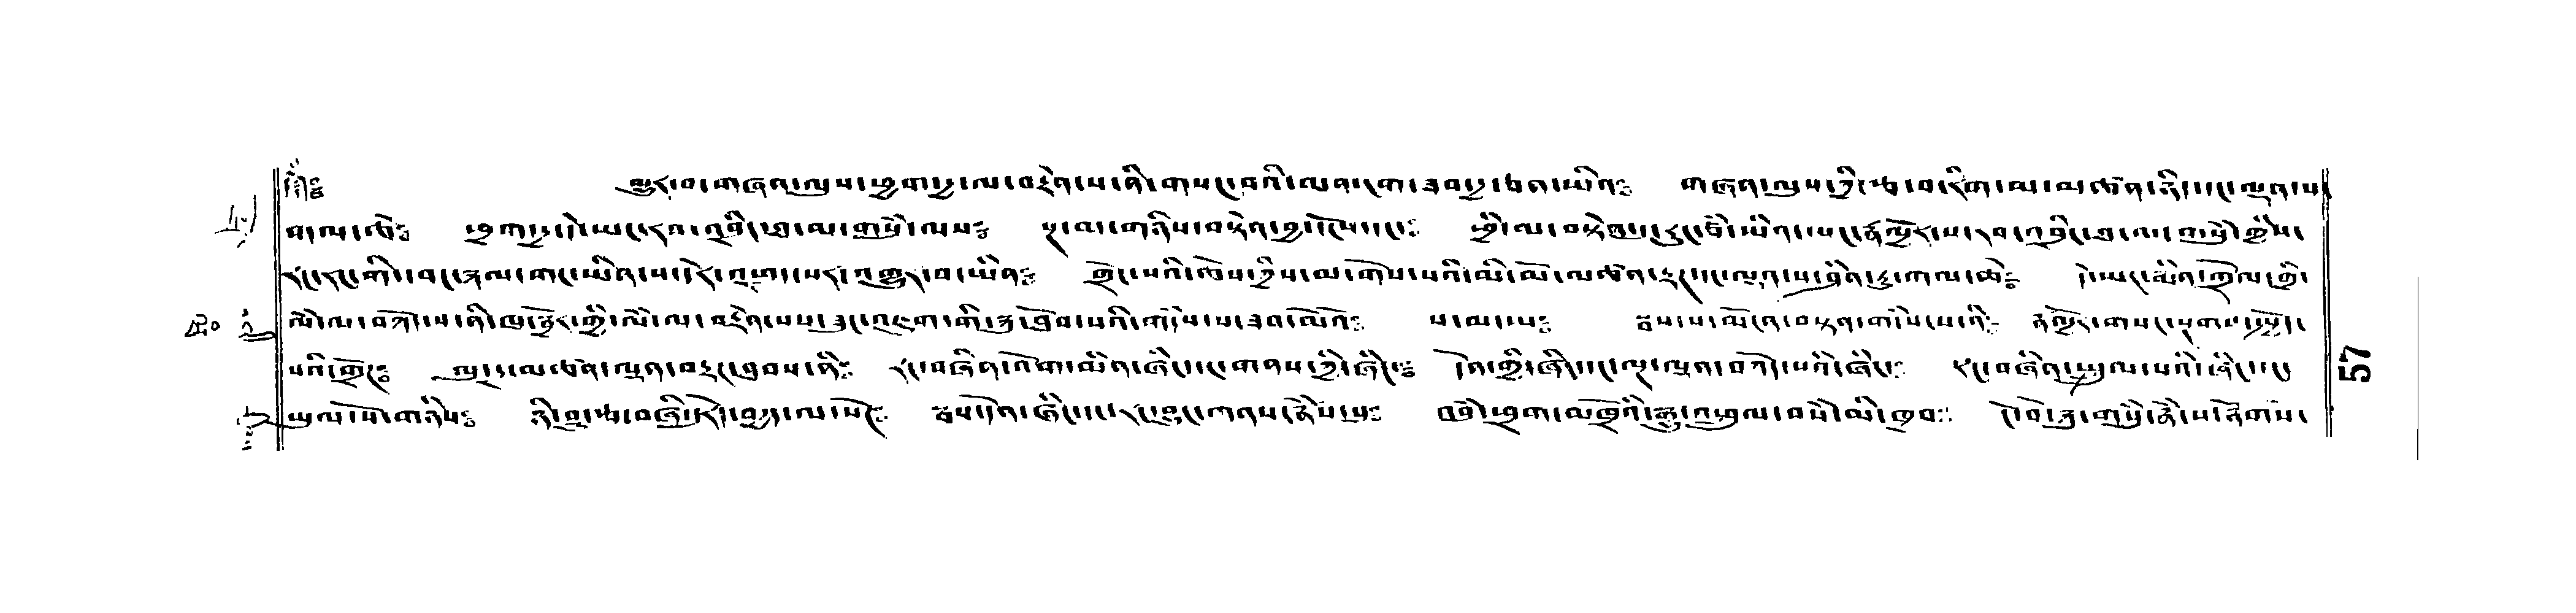མྱུར་བ་གཞན་ལུས་ཕྱག་རྒྱ་ལ་བརྟེན་པ་ནི་གསང་བའི་མན་ངག་ཟབ་རྒྱ་ཅན་ཡིན༔ གཞན་ལུས་ཀྱི་རྩ་བ་རིག་མ་མཚན་ཉིད་དང་ལྡན་པ་
གལ་ཆེ༔ ཕྱག་རྒྱ་དེ་ཡང་རབ་འབྲིང་ཐ་མ་གསུམ་ལས༔ སྔ་མ་གཉིས་བསྟེན་བྱ་དངོས་དང༔ ཕྱི་མ་བསྟེན་དུ་རུང་ཙམ་ཡིན་ཡང་རྣལ་འབྱོར་པ་རབ་འབྲིང་ཐ་མ་གསུམ་གྱིས་
རང་རང་གི་དབང་སྐལ་གང་ཡིན་པ་དེར་འཕྲད་པར་འགྱུར་བ་ཡིན༔ གྲོང་པའི་ཆོས་ཀྱིས་མ་གོས་པའི་མི་མོ་མཚན་རྟགས་དང་ལྡན་པ་ཤིན་ཏུ་གལ་ཆེ༔ དེ་ཡང་སྨིན་གྲོལ་གྱི་
ལམ་ལ་བཀོད་པ་ནི་ཁ་སྦྱོར་གྱི་ལམ་ལ་བརྟེན་པས་ཟུང་འཇུག་གི་སྐུ་ཐོབ་པའི་གདམས་པ་ཟབ་མོའོ༔ ས་མ་ཡ༔ སྦས་པ་མངོན་བསྟན་གདམས་པ་ནི༔ རྣལ་འབྱོར་གསང་སྔགས་སྤྱོད་
པའི་གྲོགས༔ མུ་དྲ་མཚན་ལྡན་བརྟག་ཐབས་ནི༔ རང་བཞིན་འོག་མིན་ཞིང་དང་གནས་ཀྱི་ཞིང༔ དོན་གྱི་ཞིང་དང་ལྔ་ལྡན་བཀོད་པའི་ཞིང༔ རང་བཞིན་སྤྲུལ་པའི་ཞིང་དང་
ཡུལ་སོ་གཉིས༔ ཉི་ཤུ་རྩ་བཞི་དུར་ཁྲོད་བརྒྱད་ལ་སོགས༔ སྦས་དོན་ཞིང་དང་རང་བྱུང་གནས་རྣམས་སུ༔ འབུམ་ཕྲག་མཁའ་འགྲོའི་སྒྱུ་འཕྲུལ་བསམ་མི་ཁྱབ༔ ངོ་བོ་སྐུ་གསུམ་རྣམ་པ་སྣ་ཚོགས་